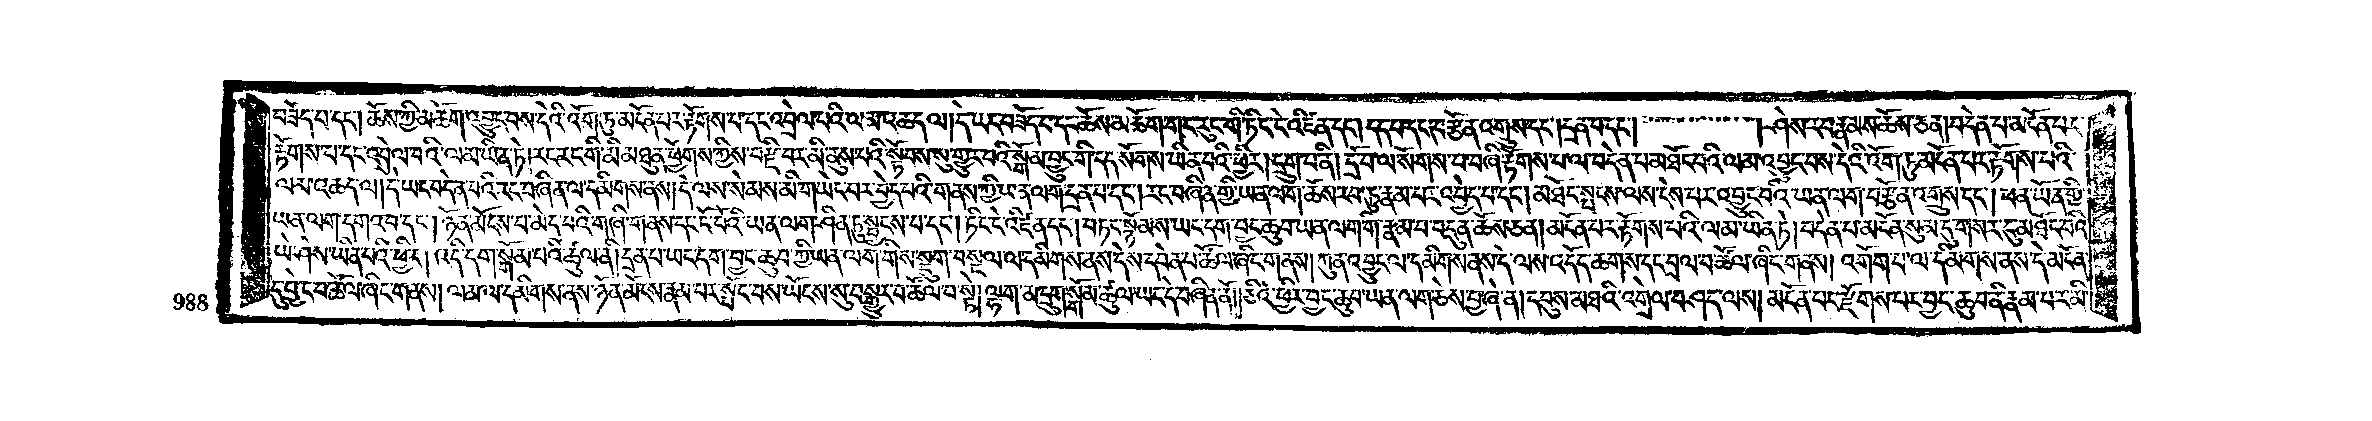བཟོད་པ་དང་། ཆོས་ཀྱི་མཆོག་འབྱུང་བས་དེའི་འོག་ཏུ་མངོན་པར་རྟོགས་པ་དང་འབྲེལ་པའི་ལམ་འཆད་ལ། དེ་ཡང་བཟོད་པ་དང་ཆོས་མཆོག་གང་རུང་གི་ཏིང་ངེ་འཛིན་དང་། དད་པ་དང་། བརྩོན་འགྲུས་དང་། དྲན་པ་དང་། །ཤེས་རབ་རྣམས་ཆོས་ཅན། བདེན་པ་མངོན་པར་
རྟོགས་པ་དང་འབྲེལ་པའི་ལམ་ཡིན་ཏེ། རང་རང་གི་མི་མཐུན་ཕྱོགས་ཀྱིས་བརྫི་བར་མི་ནུས་པའི་སྟོབས་སུ་གྱུར་བའི་སྒོམ་བྱུང་གི་དད་སོགས་ཡིན་པའི་ཕྱིར། དྲུག་པ་ནི། དྲོ་བ་ལ་སོགས་པ་བཞི་རྟོགས་པ་ལ་བདེན་པ་མཐོང་བའི་ལམ་འབྱུང་བས་དེའི་འོག་ཏུ་མངོན་པར་རྟོགས་པའི་
ལམ་འཆད་ལ། དེ་ཡང་བདེན་པའི་རང་བཞིན་ལ་དམིགས་ནས། དེ་ལས་སེམས་མི་གཡེང་བར་བྱེད་པའི་གནས་ཀྱི་ཡན་ལག་དྲན་པ་དང་། རང་བཞིན་གྱི་ཡན་ལག་ཆོས་རབ་ཏུ་རྣམ་པར་འབྱེད་པ་དང་། མཐོང་སྤངས་ལས་ངེས་པར་འབྱུང་བའི་ཡན་ལག་བརྩོན་འགྲུས་དང་། ཕན་ཡོན་གྱི་
ཡན་ལག་དགའ་བ་དང་། ཉོན་མོངས་པ་མེད་པའི་གཞི་གནས་དང་ངོ་བོའི་ཡན་ལག་ཤིན་ཏུ་སྦྱངས་པ་དང་། ཏིང་ངེ་འཛིན་དང་། བཏང་སྙོམས་ཡང་དག་བྱང་ཆུབ་ཡན་ལག་གི་རྣམ་པ་བདུན་ཆོས་ཅན། མངོན་པར་རྟོགས་པའི་ལམ་ཡིན་ཏེ། བདེན་པ་མངོན་སུམ་དུ་གསར་དུ་མཐོང་བའི་
ཡེ་ཤེས་ཡིན་པའི་ཕྱིར། འདི་དག་སྒོམ་པའི་ཚུལ་ནི། དྲན་པ་ཡང་དག་བྱང་ཆུབ་ཀྱི་ཡན་ལག་གིས་སྡུག་བསྔལ་ལ་དམིགས་ནས་དེས་དབེན་པ་ཚོལ་ཞིང་གནས། ཀུན་འབྱུང་ལ་དམིགས་ནས་དེ་ལས་འདོད་ཆགས་དང་བྲལ་བ་ཚོལ་ཞིང་གནས། འགོག་པ་ལ་དམིགས་ནས་དེ་མངོན་
དུ་བྱེད་བ་ཚོལ་ཞིང་གནས། ལམ་ལ་དམིགས་ནས་ཉོན་མོངས་རྣམ་པར་སྤོང་བས་ཡོངས་སུ་བསྒྱུར་བ་ཚོལ་བ་སྟེ། ལྷག་མ་དྲུག་སྒོམ་ཚུལ་ཡང་དེ་བཞིན་ནོ། །ཅིའི་ཕྱིར་བྱང་ཆུབ་ཡན་ལག་ཅེས་བྱ་ཞེ་ན། དབུས་མཐའི་འགྲེལ་བཤད་ལས། མངོན་པར་རྫོགས་པར་བྱང་ཆུབ་ནི་རྣམ་པར་མི་